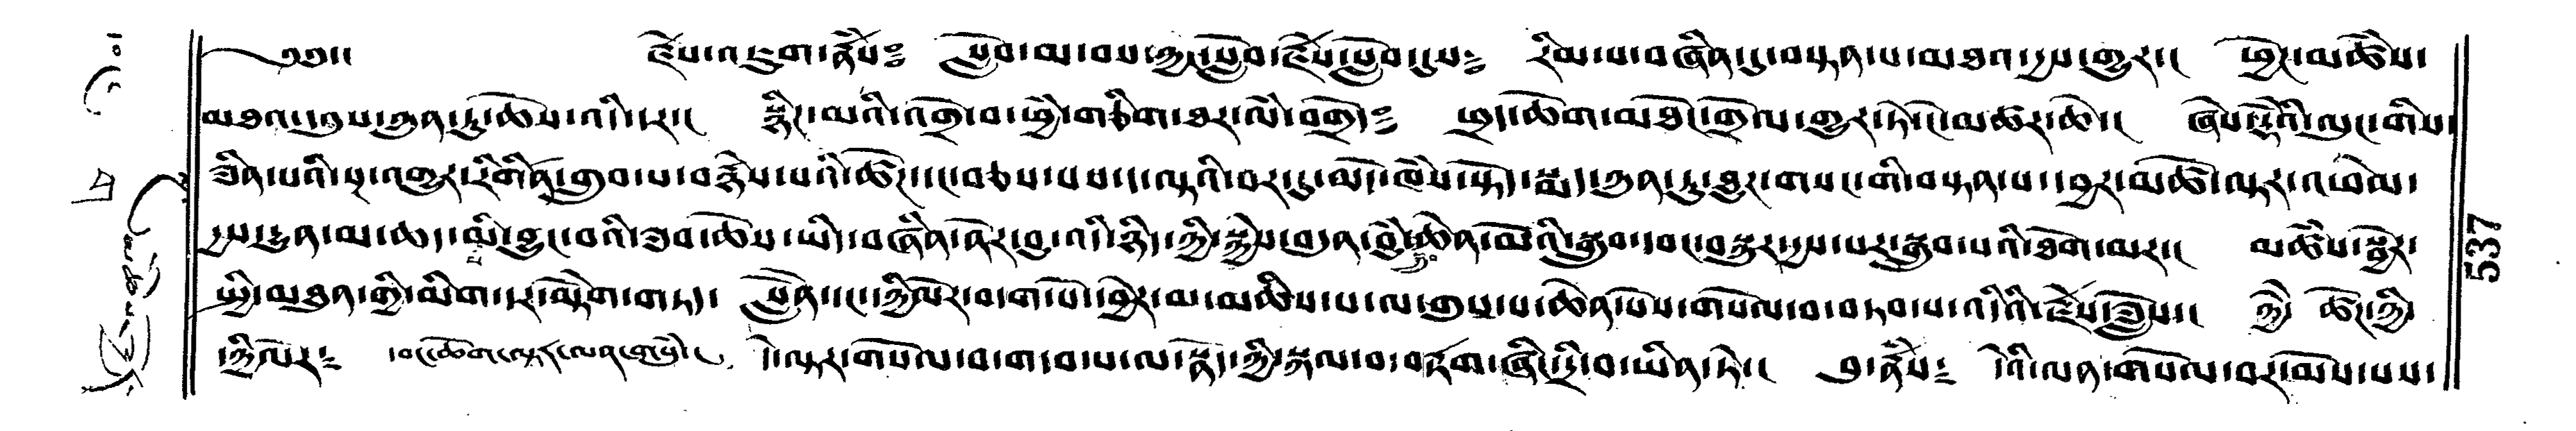རྗེས་འཇུག་རྣམས༔ སློབ་མ་བས་ཀྱང་ཡང་སློབ་རྗེས་སློབ་དུས༔ རིམ་པ་བཞིན་དུ་བསྟན་པ་མཐའ་རྒྱས་གྱུར༔ ཕྱོགས་མཚམས་
མཐའ་དབུས་ཀུན་ཏུ་ཆོས་འདི་དར༔ སྙིགས་མའི་འགྲོ་བ་ཕྱམ་གཅིག་ཐར་ལམ་བགྲོད༔ ཕྲད་མཆོག་མཐོང་གྲོལ་གྱུར་ཏེ་ངོ་མཚར་ཆེ༔ ཞེས་རྡོ་རྗེའི་ལུང་གིས་
ཟིན་པའི་སྔ་འགྱུར་རིག་འཛིན་གྲུབ་པ་བརྙེས་པའི་ཚོགས་དང་བཅས་པས་ད་ལྟའི་བར་དུ་མདོ་ཁམས་སྟོད་སྨད་ཀུན་ཏུ་ཐུགས་གསང་གི་བསྟན་པ་དབྱར་མཚོ་ལྟར་འཕེལ་
རྒྱས་རྒྱུན་མ་ཆད་པ་བྱུང་བའི་ཟབ་ཆོས་ཡིད་བཞིན་ནོར་བུ་འདི་ཉིད་ཀྱི་སྐྱེས་བདུན་བུམ་སྒྲུབ་ཆེན་མོའི་སྒྲུབ་དབང་བསྐུར་ཐབས་རྒྱས་པར་སྒྲུབ་པའི་ཐོག་མར། མཚམས་སྦྱོར་
སྤྱི་མཐུན་གྱི་མིག་དར་མེ་ཏོག་གཏད། སློབ་དཔོན་དང་དཀྱིལ་འཁོར་བདག་པོ་དབྱེར་མ་མཆིས་པ་ལ་གུས་པ་ཆེན་པོས་གསོལ་བ་བཏབ་པ་འདིའི་རྗེས་ཟློས། ཀྱཻ། ཚོགས་ཀྱི་
དཀྱིལ་འཁོར། དབང་ཆོག་ལྟར་ལན་གསུམ། དེ་ལྟར་གསོལ་བ་གདབ་པ་ལ་སྣོད་ཀྱི་སྐལ་བ་བརྟག་ཅིང་དྲི་བ་འདྲི་བ་ཡིན་ཏེ། བུ་རྣམས༴ དེའི་ལན་གསོལ་བར་མོས་པས་